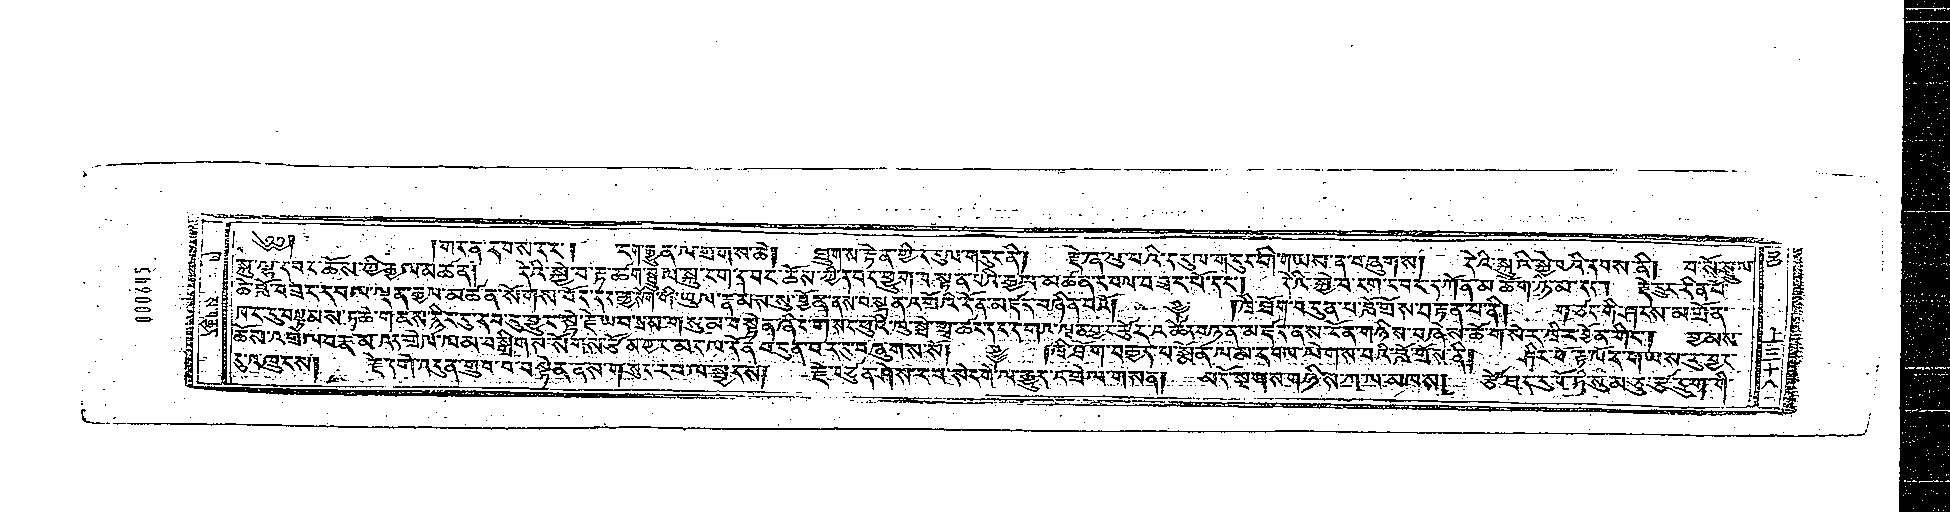༄༅། །གདན་རབས་དང་། ངག་རྒྱུན་ལ་གྲགས་ཆེ། ཐུགས་རྟེན་གྱི་དངུལ་གདུང་ནི། རྗེ་ཞ་ལུ་པའི་དངུལ་གདུང་གི་གཡས་ན་བཞུགས། དེའི་སྐུའི་སྐྱེ་བའི་རབས་ནི། བ་སོ་སྤྲུལ་
སྐུ་ལྷ་དབང་ཆོས་ཀྱི་རྒྱལ་མཚན། དེའི་སྐྱེ་བ་རྟ་ཚག་སྤྲུལ་སྐུ་ངག་དབང་ཆོས་ཀྱི་དབང་ཕྱུག་བསྟན་པའི་རྒྱལ་མཚན་དཔལ་བཟང་པོ་དང་། དེའི་སྐྱེ་བ་ངག་དབང་དཀོན་མཆོག་ཉི་མ་དང་། རྗེ་དྲུང་རིན་པོ་
ཆེ་བློ་བཟང་དཔལ་ལྡན་རྒྱལ་མཚན་སོགས་བོད་དང་རྒྱ་སོག་གི་ཡུལ་རྣམས་སུ་བྱོན་ནས་བསྟན་འགྲོའི་དོན་མཛད་བཞིན་བའོ། ༈ །ཁྲི་ཐོག་བདུན་པ་བློ་གྲོས་བརྟན་པ་ནི། གཙང་གི་ཤངས་མགྲོན་
ཁང་དུ་བལྟམས་ཏ་ཆེ་གནས་རྙིང་དུ་རབ་དུ་བྱུང་སྟེ་རྗེ་ཡབ་སྲས་གསུམ་བསྟེན་ཞིང་གསང་ཕུའི་ཁུ་སྤེ་གྲྭ་ཚང་དང་དགའ་ལྡན་བྱང་རྩེར་འཚེད་བྙན་མཛད་ནས་ངོན་གཉིས་བཞེས་ཚེ་གསེར་ཁྲིར་བྱོན་གིང་། བྱམས་
ཆོས་འགྲེལ་བ་རྣམ་འང་གྲེལ་ལམ་བསྒྲིགས་སོགས་རྩོམ་ཀྱང་མང་ལ་དོན་བདུན་བར་དུ་བཞུགས་སོ། ༈ །ཁྲི་ཐོག་བརྒྱད་པ་སྨོན་ལམ་དབལ་ལེགས་པའི་བློ་གྲོས་ནི། ཤིང་ཕོ་རྟ་ལོར་གཡས་རུ་བྱང་
དུ་འཁྲུངས། རྗེ་དགེ་འདུན་གྲུབ་པ་བསྟེན་ནས་གསུང་རབ་ལ་སྦྱངས། རྗེ་བཙུན་ཤེས་རབ་སེང་གེ་ལ་རྒྱུད་འགྲེལ་གསན། མདོ་སྔགས་གཉིས་ཀ་ལ་མཁས། རྩེ་ཐད་དུ་པོ་ཏི་སུམ་ཅུ་རྩ་དྲུག་གི་